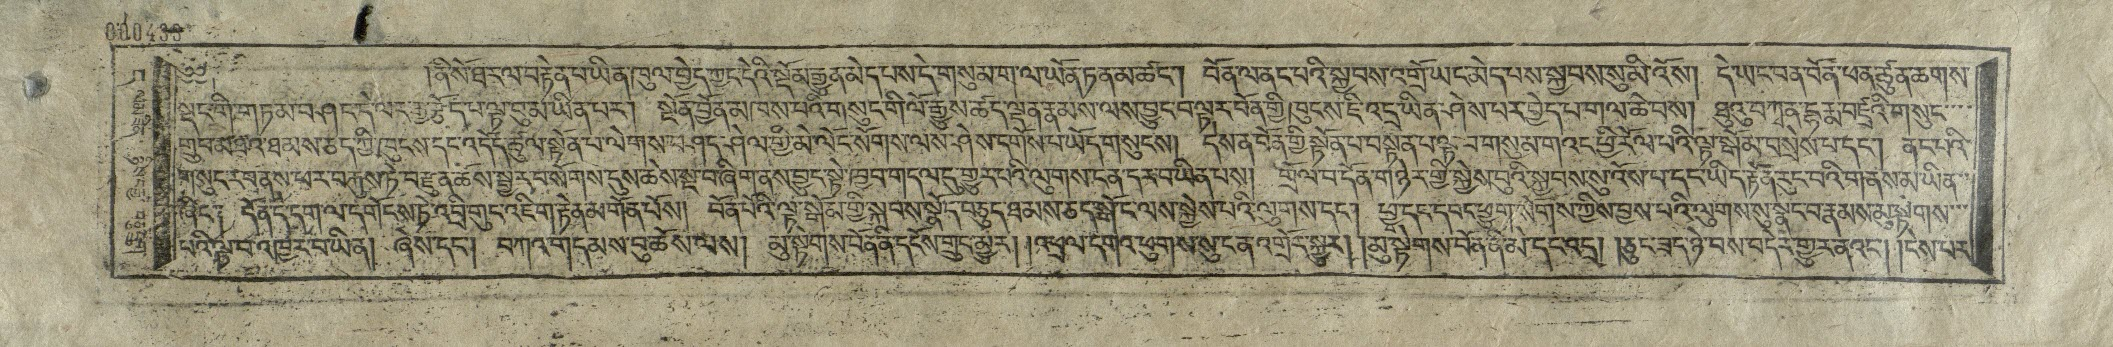༄༅། །ནི་སོ་ཐར་ལ་བརྟེན་པ་ཡིན་ཁུལ་བྱེད་ཀྱང་དེའི་སྡོམ་རྒྱུན་མེད་པས་དེ་གསུམ་ག་ལ་ཡོན་ཏན་མ་ཚང་། བོན་ལ་ནང་པའི་སྐྱབས་འགྲོ་ཡང་མེད་པས་སྐྱབས་སུ་མི་འོས། དེ་ཡང་བན་བོན་ཕན་ཚུན་ཆགས་
སྡང་གི་གཏམ་བཤད་དེ་ལར་རྒྱ་རྩོད་པ་ལྟ་བུ་མ་ཡིན་པར། སྔོན་བྱོན་མཁས་པའི་གསུང་གི་ལོ་རྒྱུས་ཚད་ལྡན་རྣམས་ལས་བྱུང་བ་ལྟར་བོན་གྱི་ཁུངས་ཇི་འདྲ་ཡིན་ཤེས་པར་བྱེད་པ་གལ་ཆེ་བས། ཐུའུ་བཀྭན་དྷརྨ་བཛྲའི་གསུང་
གྲུབ་མཐའ་ཐམས་ཅད་ཀྱི་ཁུངས་དང་འདོད་ཚུལ་སྟོན་པ་ལེགས་བཤད་ཤེལ་གྱི་མེ་ལོང་སོགས་ལས་ཤེས་དགོས་པ་ཡོད་གསུངས། དེས་ན་བོན་གྱི་སྟོན་པ་བསྟན་པ་ལྟ་བ་གསུམ་གའང་ཕྱི་རོལ་པའི་ལྟ་སྒོམ་བསྲེས་པ་དང་། ནང་པའི་
གསུང་རབ་ནས་ཕར་བརྐུས་ཏེ་བརྫུན་ཆོས་སྦྱར་བ་སོགས་དུས་ཆེས་སྔ་བ་ཞིག་ནས་བྱུང་སྟེ་ཁྱབ་གདལ་དུ་གྱུར་པའི་ལུགས་ངན་དར་བ་ཡིན་པས། གྲོལ་བ་དོན་གཉེར་གྱི་སྐྱེས་བུའི་སྐྱབས་སུ་འོས་པ་དང་ཡིད་རྟོན་རུང་བའི་གནས་མ་ཡིན་
ཞིང༑ དོན་དེ་དག་ལ་དགོངས་ཏེ་འབྲི་གུང་འཇིག་རྟེན་མགོན་པོས། བོན་པོའི་ལྟ་སྒོམ་གྱི་སྐབས་སྣོད་བཅུད་ཐམས་ཅད་སྒོ་ང་ལས་སྐྱེས་པའི་ལུགས་དང་། ཕྱྭ་དང་དབང་ཕྱུག་སོགས་ཀྱིས་བྱས་པའི་ལུགས་སུ་སྣང་བ་རྣམས་མུ་སྟེགས་
པའི་ལྟ་བ་འཁྱར་བ་ཡིན། ཞེས་དང་། བཀའ་གདམས་བུ་ཆོས་ལས། མུ་སྟེགས་བོན་ནི་དངོས་གྲུབ་མྱུར། །འཕྲལ་དགའ་ཕུགས་སུ་ངན་འགྲོར་སྐྱུར། །མུ་སྟེགས་བོན་ནི་མེ་དང་འདྲ། །ཅུང་ཟད་ཉེ་བས་བདེར་གྱུར་ནའང་། །ངེས་པར་